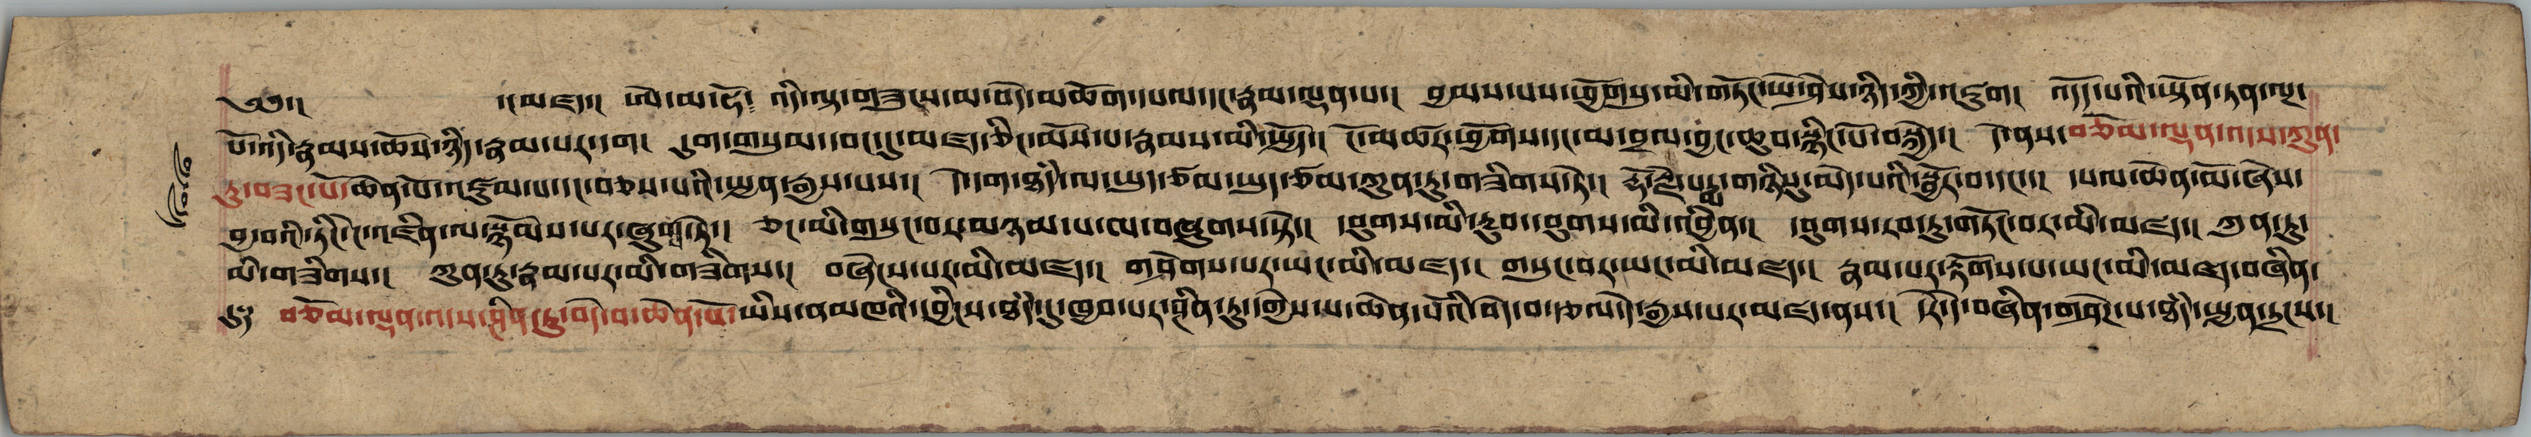༄༅་། ་།མཛད་། ཨེ་མ་ཧོ་ འདི་ལྟ་གཟུངས་མ་བདེ་མཆོག་དཔལ་དང་རྣམ་ལྡན་པ་། བྱམས་པས་ཕྱོགསུ་མི་གཏོང་ཡེ་ཤེས་ཉིད་ཀྱི་འཇུག། འདོད་པའི་ཡྟོན་ཏན་ལྔ་
པོ་འདི་རྣམས་ཆོས་ཉིད་རྣམ་པར་དག། དུག་གསུམ་དབང་དུ་མཛད་ཅིང་མོས་པ་རྣམས་མི་སྤྱོད་། ངོ་མཚར་ཕྱོགས་དང་མ་བྲལ་བྱང་ཆུབ་སྙིང་པོ་བསྐྱེད་། དེ་ནས་བཅོམ་ལྡན་འདས་ཀུན་
ཏུ་བཟང་པོ་ཆེན་པོ་འཛུམ་པ་དང་བཅས་པའི་སྤྱན་རྒྱས་པས་། དེ་དག་ཐཾད་ལ་ཡུད་ཙམ་ཡུད་ཙམ་ཀུན་ཏུ་གཟིགས་ཏེ་། རྡོ་རྗེ་པདྨ་གཉིསུ་མེད་པའི་སྦྱོར་བ་དང་་། དཔལ་ཆེན་མོ་ཞེས་
བྱ་བའི་ཏིང་ངེ་འཛིན་ལ་སྙོམས་པར་ཞུགས་ཏེ་། ཅང་མི་གསུང་བར་མཉམ་པ་ལ་བཞུགས་སྟེ་། དབུགས་མི་རྔུབ་དབུགས་མི་འབྱིན་། དབུགས་རབ་ཏུ་གཏོང་བར་མི་མཛད་། ཀུན་ཏུ་
མི་གཟིགས་། ཀུན་ཏུ་རྣམ་པར་མི་གཟིགས་། བཞེངས་པར་མི་མཛད་། གཤེགས་པར་ཡང་མི་མཛད་། གསུང་བར་ཡང་མི་མཛད་། རྣམ་པར་རྟོགས་པ་ཡང་མི་མཛད་བཞིན་
དུ༑ བཅོམ་ལྡན་འདས་ཤིན་ཏུ་བདེ་བ་ཆེན་པོ་ཡིས་ནམཁའི་དབྱིངས་ཐཾད་དུ་ཁྱབ་པར་ཤིན་ཏུ་དགྱེས་པ་ཆེན་པོའི་བདེ་བ་རྩལ་དེ་རྒྱས་པར་མཛད་ནས་། དེར་དེ་བཞིན་གཤེགས་པ་ཐཾད་སྤྱན་དྲངས་།